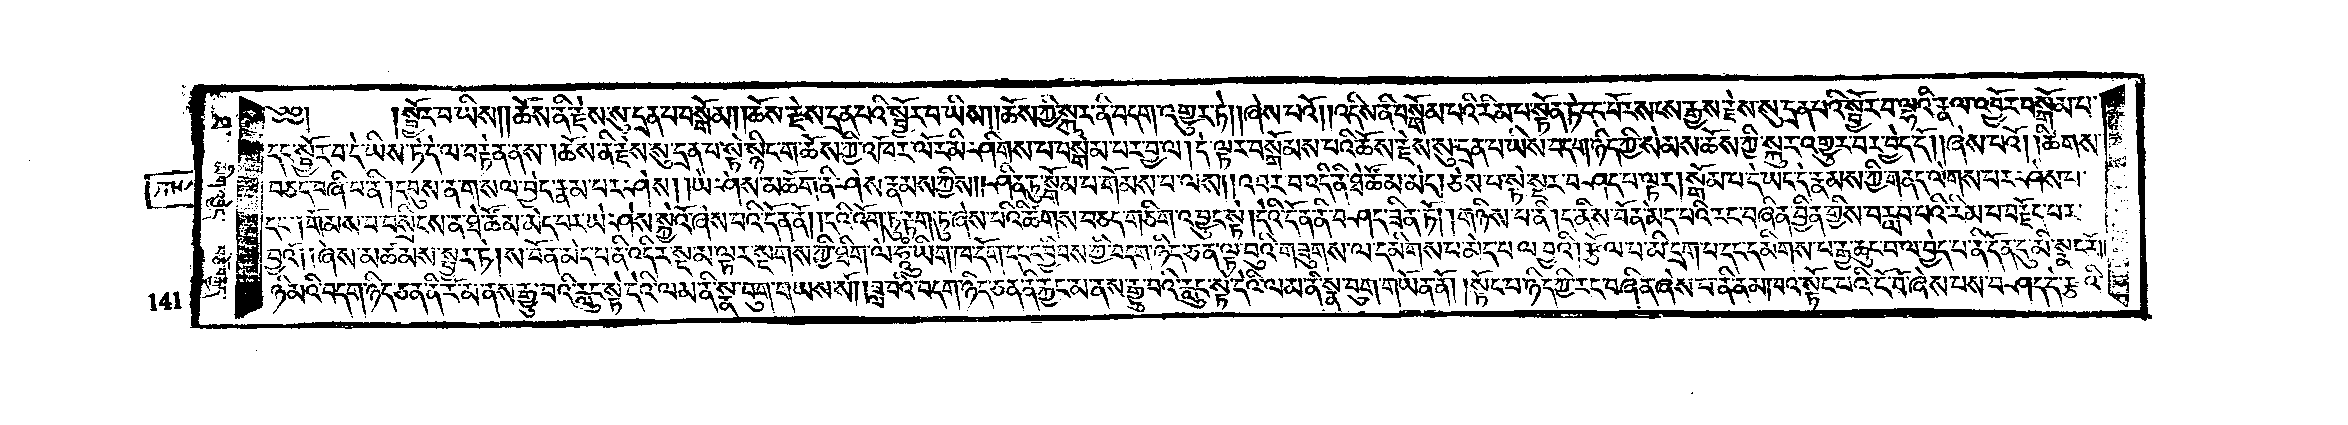༄༅། །སྦྱོར་བ་ཡིས། །ཆོས་ནི་རྗེས་སུ་དྲན་པ་བསྒོམ། །ཆོས་རྗེས་དྲན་པའི་སྦྱོར་བ་ཡིས། །ཆོས་ཀྱི་སྐུར་ནི་བདག་འགྱུར་ཏེ། །ཞེས་པའོ། །འདིས་ནི་བསྒོམ་པའི་རིམ་པ་སྟོན་ཏེ་དང་པོར་སངས་རྒྱས་རྗེས་སུ་དྲན་པའི་སྦྱོར་བ་ལྷའི་རྣལ་འབྱོར་བསྒོམ་པ་
དང་སྦྱོར་བ་དེ་ཡིས་ཏེ་དེ་ལ་བརྟེན་ནས། ཆོས་ནི་རྗེས་སུ་དྲན་པ་སྟེ་སྙིང་ག་ཆོས་ཀྱི་འཁོར་ལོར་མི་ཤིགས་པ་བསྒོམ་པར་བྱ་ལ། དེ་ལྟར་བསྒོམས་པའི་ཆོས་རྗེས་སུ་དྲན་པ་ཡིས་བདག་ཉིད་ཀྱི་སེམས་ཆོས་ཀྱི་སྐུར་འགྱུར་བར་བྱེད་དོ། །ཞེས་པའོ། །ཚིགས་
བཅད་བཞི་པ་ནི། དབུས་ན་གསལ་བྱེད་རྣམ་པར་ཤེས། །ཡེ་ཤེས་མཆོག་ནི་ཤེས་རྣམས་ཀྱིས། །ཤིན་ཏུ་སྒོམ་པ་གོམས་པ་ལས། །འབར་བ་འདི་ནི་ཐེ་ཚོམ་མེད། ཅེས་པ་སྟེ་སྔར་བཤད་པ་ལྟར། སྒོམ་པ་དེ་ཡང་དེ་རྣམས་ཀྱི་གནད་ལེགས་པར་ཤེས་པ་
དང་། གོམས་པ་བསྲིངས་ན་ཐེ་ཚོམ་མེད་པར་ཡེ་ཤེས་སྐྱེའོ་ཞེས་པའི་དོན་ནོ། །ངའི་འོག་ཏུ་རྟག་ཏུ་ཞེས་པའི་ཚིགས་བཅད་གཅིག་འབྱུང་སྟེ། དེའི་དོན་ནི་བཤད་ཟིན་ཏོ། །གཉིས་པ་ནི། ད་ནི་ས་བོན་མེད་པའི་རང་བཞིན་བྱིན་གྱིས་བརླབ་པའི་རིམ་པ་བརྗོད་པར་
བྱའོ། །ཞེས་མཚམས་སྦྱར་ཏེ། ས་བོན་མེད་པ་ནི་འདིར་སྔ་མ་ལྟར་སྔགས་ཀྱི་ཐིག་ལེ་ཧཱུཾ་ཡིག་ཁ་དོག་དང་དབྱིབས་ཀྱི་བདག་ཉིད་ཅན་ལྟ་བུའི་གཟུགས་ལ་དམིགས་པ་མེད་པ་ལ་བྱའི། རྩོལ་བ་མི་དྲག་པ་དང་དམིགས་པ་རྒྱ་ཆུང་བ་ལ་བྱེད་པ་ནི་དོན་དུ་མི་སྣང་ངོ། །
ཉི་མའི་བདག་ཉིད་ཅན་ནི་རོ་མ་ནས་རྒྱུ་བའི་རླུང་སྟེ་དེའི་ལམ་ནི་སྣ་བུག་གཡས་སོ། །ཟླ་བའི་བདག་ཉིད་ཅན་ནི་རྐྱང་མ་ནས་རྒྱུ་བའི་རླུང་སྟེ་དེའི་ལམ་ནི་སྣ་བུག་གཡོན་ནོ། །སྟོང་པ་ཉིད་ཀྱི་རང་བཞིན་ཞེས་པ་ནི་ནམ་མཁའ་སྟོང་པའི་ངོ་བོ་ཞེས་པས་བཤད་དེ་རྩའི་